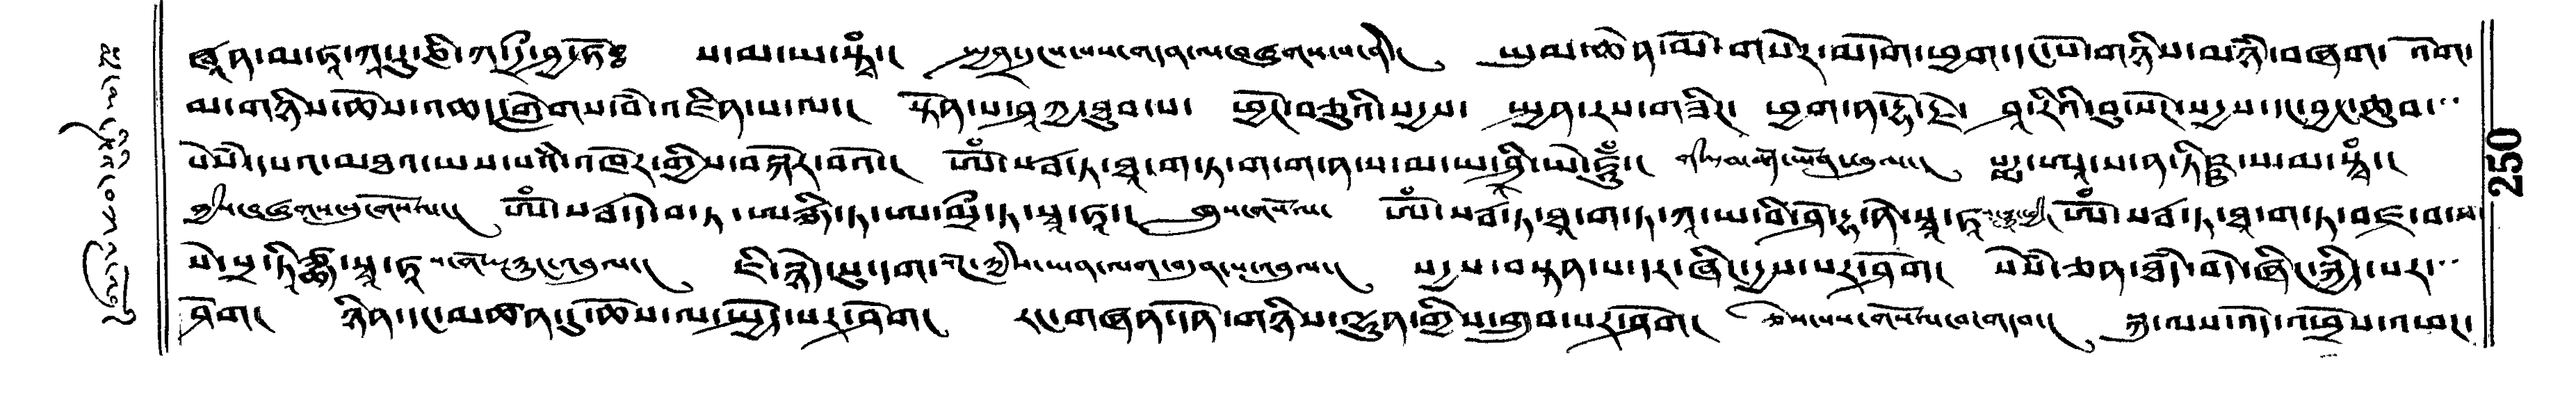ཝཱའན་མ་ཧཱ་ཀཱ་རུ་ཎི་ཀ་དྲྀ་ཤྱ་ཧོཿ ས་མ་ཡ་སྟྭཾ། སྤྱན་དྲངས་པས་གདན་ལ་བཞུགས་པ་ནི། ཡུམ་ཆེན་མོ་གསེར་མདོག་ཕྱག་དང་པོ་གཉིས་མཉམ་བཞག འོག་
མ་གཉིས་ཆོས་འཆད་གླེགས་བམ་འཛིན་པ་ལ། སྟོན་པ་ཤཱཀྱ་ཐུབ་པ། ཕྱོགས་བཅུའི་སངས་རྒྱས། སྤྱན་རས་གཟིགས། ཕྱག་ན་རྡོ་རྗེ། ཤཱ་རིའི་བུ་སོགས་སངས་རྒྱས་དང་བྱང་ཆུབ་
སེམས་དཔའ་མཐའ་ཡས་པའམ་འཁོར་གྱིས་བསྐོར་བའོ། ཨོཾ་སརྦ་ཏ་ཐཱ་ག་ཏ་གཱ་གཱ་ན་ས་མ་ཡ་ཤྲཱི་ཡེ་ཧཱུྃ། གིས་མཆོད་ཡོན་དབུལ། པདྨ་ཨཱ་ས་ན་ཏིཥྠ་ས་མ་སྟྭཾ། 
གྱིས་བཞུགས་སུ་གསོལ། ཨོཾ་སརྦ་དེ་བ་ཏ་ཨརྩི་ཏ་ཨ་མྲྀ་ཏ་སྭ་ཧཱ། ཁྲུས་གསོལ། ཨོཾ་སརྦ་ཏ་ཐཱ་ག་ཏ་ཀཱ་ཡ་བི་ཤོ་དྷ་ནེ་སྭ་ཧཱ ས་སྐུ་ཕྱི། ཨོཾ་སརྦ་ཏ་ཐཱ་ག་ཏ་བཛྲ་བ་ས་
སེ་པྲ་ཏཱིཙྪ་སྭ་ཧཱ། ས་གོས་ཉུང་འབུལ། ཇི་སྙེད་སུ་དག༴ སོགས་ཀྱིས་ཡན་ལག་བདུན་པ་འབུལ། སངས་རྒྱས་བསྟན་པ་དར་ཞིང་རྒྱས་པར་ཤོག །སེམས་ཅན་ཐམས་ཅད་བདེ་ཞིང་སྐྱིད་པར་
ཤོག། ཉིན་དང་མཚན་དུ་ཆོས་ལ་སྤྱོད་པར་ཤོག །རང་གཞན་དོན་གཉིས་ལྷུན་གྱིས་གྲུབ་པར་ཤོག ཅེས་པས་གསོལ་བ་གདབ། སྐུ་ལས་འོད་འཕྲོས་འཕགས་